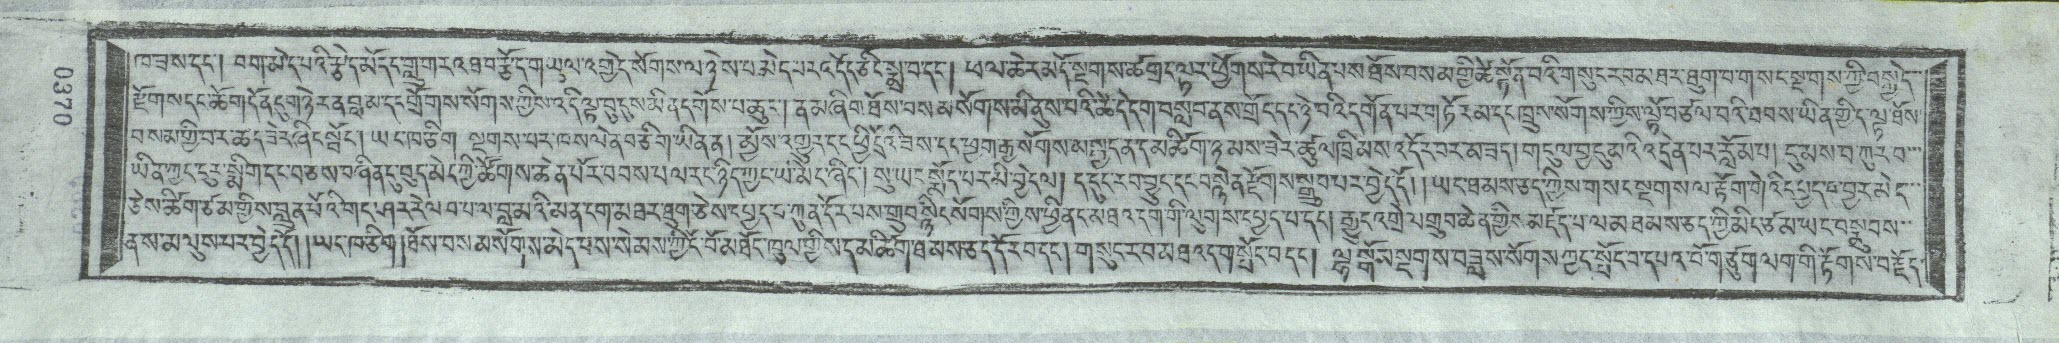ཁ་ཟད་དང་། བག་མེད་པའི་རྩེད་མོ་དང་གླུ་གར་འཐབ་རྩོད་གཡུལ་འགྱེད་སོགས་ལ་ཉེས་པ་མེད་པར་འདོད་ཅིང་སྨྲ་པ་དང་། ཕལ་ཆེར་མདོ་སྔགས་ཚ་གྲང་ལྟར་ཕྱོགས་རེ་པ་ཡིན་པས་ཐོས་བསམ་གྱི་ཚེ་སྟོན་པའི་གསུང་རབ་མཐར་ཐུག་པ་གསང་སྔགས་ཀྱི་བསྐྱེད་
རྫོགས་དང་ཆོ་གདོན་དུ་གཉེར་ན་བླ་མ་དང་གྲོགས་སོགས་ཀྱིས་འདི་ལྟ་བུ་དུས་མིན་དགོས་པ་ཆུང་། ནམ་ཞིག་ཐོས་བསམ་སོགས་མི་ནུས་པའི་ཚེ་དེ་དག་བསླབ་ནས་གྲོང་དང་ཉེ་བའི་དགོན་པར་གཏོར་མ་དང་ཁྲུས་སོགས་ཀྱིས་ལྟོ་བཙལ་པའི་ཐབས་ཡིན་གྱི་ད་ལྟ་ཐོས་
བསམ་གྱི་བར་ཆད་ཟེར་ཞིང་སྦོང་། ཡང་ཁ་ཅིག་སྔགས་པར་ཁས་ལེན་པ་ཅིག་ཡིན་ན། མྱོས་འགྱུར་དང་ཕྱི་དྲོའི་ཟས་དང་ཕྱག་རྒྱ་སོགས་མ་སྤྱད་ན་དམ་ཚིག་ཉམས་ཟེར་ཚུལ་ཁྲིམས་འདོད་པར་མ་ཟད། གདུལ་བྱ་དུ་མའི་འདྲེན་པར་རློམ་པ། དུ་མས་བཀུར་པ་
ཡིན་ཀྱང་དུར་སྨིག་དང་བཅས་བཞིན་དུ་བུད་མེད་ཀྱི་ཚོགས་ཆེན་པོར་བབས་པ་ལ་རང་ཉིད་ཀྱང་ཡ་མིང་ཞིང་། སུ་ཡང་སྨོད་པར་མི་བྱེད་ལ། ད་དུང་རབ་བྱུང་དང་བསྙེན་རྫོགས་སྒྲུབ་པར་བྱེད་དོ། །ཡང་ཐམས་ཅད་ཀྱིས་གསང་སྔགས་ལ་རྟོག་གེའི་དཔྱད་འབྱར་མེད་
ཅེས་ཚིག་ཙམ་གྱིས་བླུན་པོའི་གང་ཤར་རེལ་པ་ལ་བླ་མའི་མན་ངག་མཐར་ཐུག་ཅེས་དཔྱད་པ་ཀུན་དོར་པས་གྲུབ་སྙིང་སོགས་ཀྱིས་ཕྱི་ནང་མཐའ་དག་གི་ལུགས་དཔྱད་པ་དང་། རྒྱུད་འགྲེལ་གྲུབ་ཆེན་གྱི་མཛད་པ་ལམ་ཐམས་ཅད་ཀྱི་མིང་ཙམ་ཡང་བསྣུབས་
ནས་མ་ལུས་པར་བྱེད་དོ། །ཡང་ཁ་ཅིག། །ཐོས་བསམ་སོགས་མེད་པས་སེམས་ཀྱི་ངོ་བོ་མཐོང་ཁུལ་གྱིས་དམ་ཚིག་ཐམས་ཅད་དོར་བ་དང་། གསུང་རབ་མཐའ་དག་སྤོང་པ་དང་། ལྷ་སྒོམ་སྔགས་བཟླས་སོགས་ཀྱང་སྤོང་པ་དཔའ་བོ་གཙུག་ལག་གི་རྟོགས་བརྗོད་